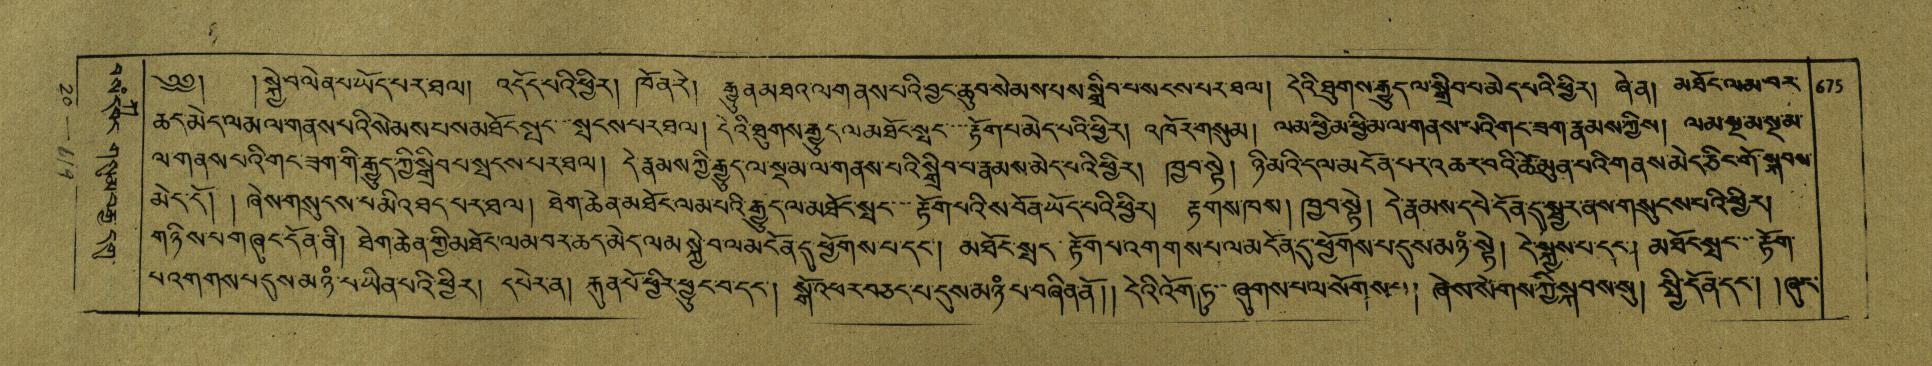༄༅། །སྐྱེ་བ་ལེན་པ་ཡོད་པར་ཐལ། འདོད་པའི་ཕྱིར། ཁོ་ན་རེ། རྒྱུན་མཐའ་ལ་གནས་པའི་བྱང་ཆུབ་སེམས་པས་སྒྲིབ་པ་སངས་པར་ཐལ། དེའི་ཐུགས་རྒྱུད་ལ་སྒྲིབ་པ་མེད་པའི་ཕྱིར། ཞེ་ན། མཐོང་ལམ་བར་
ཆད་མེད་ལམ་ལ་གནས་པའི་སེམས་པས་མཐོང་སྤང་སྤངས་པར་ཐལ། དེའི་ཐུགས་རྒྱུད་ལ་མཐོང་སྤང་རྟོག་པ་མེད་པའི་ཕྱིར། འཁོར་གསུམ། ལམ་ཕྱི་མ་ཕྱི་མ་ལ་གནས་པའི་གང་ཟག་རྣམས་ཀྱིས། ལམ་སྔ་མ་སྔ་མ་
ལ་གནས་པའི་གང་ཟག་གི་རྒྱུད་ཀྱི་སྒྲིབ་པ་སྤངས་པར་ཐལ། དེ་རྣམས་ཀྱི་རྒྱུད་ལ་སྔ་མ་ལ་གནས་པའི་སྒྲིབ་པ་རྣམས་མེད་པའི་ཕྱིར། ཁྱབ་སྟེ། ཉི་མའི་དལ་མངོན་པར་འཆར་བའི་ཚེ་མུན་པའི་གནས་མེད་ཅིང་གོ་སྐབས་
མེད་དོ། །ཞེས་གསུངས་པ་མི་འཐད་པར་ཐལ། ཐེག་ཆེན་མཐོང་ལམ་པའི་རྒྱུད་ལ་མཐོང་སྤང་རྟོག་པའི་ས་བོན་ཡོད་པའི་ཕྱིར། རྟགས་ཁས། ཁྱབ་སྟེ། དེ་རྣམས་དཔེ་དོན་དུ་སྦྱར་ནས་གསུངས་པའི་ཕྱིར།
གཉིས་པ་གཞུང་དོན་ནི། ཐེག་ཆེན་གྱི་མཐོང་ལམ་བར་ཆད་མེད་ལམ་སྐྱེ་བ་ལ་མངོན་དུ་ཕྱོགས་པ་དང་། མཐོང་སྤང་རྟོག་པ་འགགས་པ་ལ་མངོན་དུ་ཕྱོགས་པ་དུས་མཉཾ་སྟེ། དེ་སྐྱས་པ་དང་། མཐོང་སྤང་རྟོག་
པ་འགགས་པ་དུས་མཉཾ་པ་ཡིན་པའི་ཕྱིར། དཔེར་ན། རྐུན་པོ་ཕྱིར་ཕྱུང་བ་དང་། སྒོ་འཕར་བཅད་པ་དུས་མཉཾ་པ་བཞིན་ནོ། །དེའི་འོག་ཏུ་ཞུགས་པ་ལ་སོགས་པ། ཞེས་སོགས་ཀྱི་སྐབས་སུ། སྤྱི་དོན་དང་། །ཞུང་